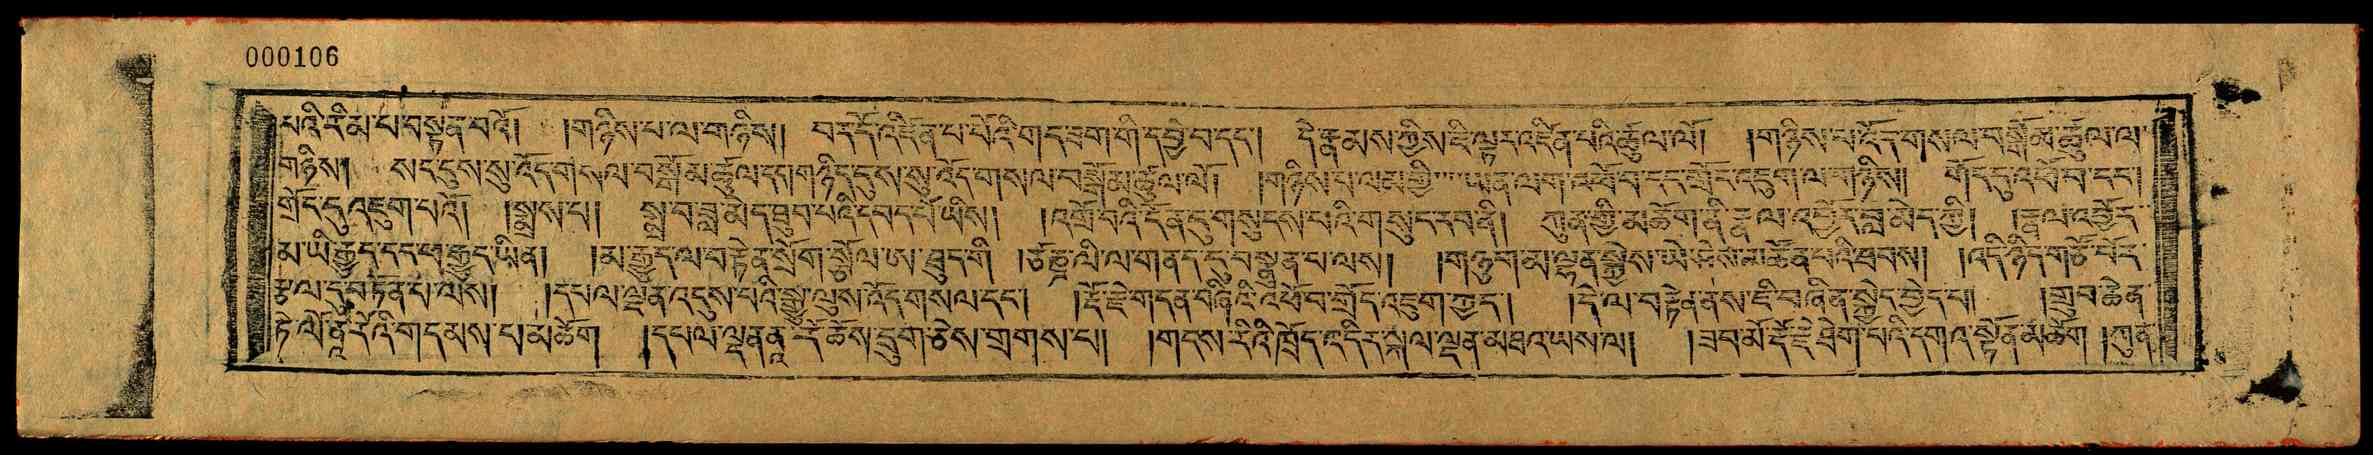པའི་རིམ་པ་བསྟན་པའོ། །གཉིས་པ་ལ་གཉིས། བར་དོ་འཛིན་པ་པོའི་གང་ཟག་གི་དབྱེ་བ་དང་། དེ་རྣམས་ཀྱིས་ཇི་ལྟར་འཛིན་པའི་ཚུལ་ལོ། །གཉིས་པ་འོད་གསལ་བསྒོམ་ཚུལ་ལ་
གཉིས། སང་དུས་སུ་འོད་གསལ་བསྒོམ་ཚུལ་དང་། གཉིད་དུས་སུ་འོད་གསལ་བསྒོམ་ཚུལ་ལོ། །གཉིས་པ་ལམ་གྱི་ཡན་ལག་འཕོ་བ་དང་གྲོང་འཇུག་ལ་གཉིས། གོང་དུ་འཕོ་བ་དང་།
གྲོང་དུ་འཇུག་པའོ། །སྨྲས་པ། སྨྲ་བ་ཟླ་མེད་ཐུབ་པའི་དབང་པོ་ཡིས། །འགྲོ་བའི་དོན་དུ་གསུངས་པའི་གསུང་རབ་ནི། ཀུན་གྱི་མཆོག་ནི་རྣལ་འབྱོར་བླ་མེད་ཀྱི། །རྣལ་འབྱོར་
མ་ཡི་རྒྱུད་དང་ཕ་རྒྱུད་ཡིན། །མ་རྒྱུད་ལ་བརྟེན་སྲོག་སྩོལ་ཨ་ཐུང་གི །ཙཎྜ་ལི་ལ་གནད་དུ་བསྣུན་པ་ལས། །གཉུག་མ་ལྷན་སྐྱེས་ཡེ་ཤེས་མཚོན་པའི་ཐབས། །འདི་ཉིད་གཙོ་བོར་
རྩལ་དུ་བཏོན་པ་ལས། །དཔལ་ལྡན་འདུས་པའི་སྒྱུ་ལུས་འོད་གསལ་དང་། །རྡོ་རྗེ་གདན་བཞིའི་འཕོ་བ་གྲོང་འཇུག་ཀྱང་། །དེ་ལ་བརྟེན་ནས་ཇི་བཞིན་སྐྱེད་བྱེད་པ། །གྲུབ་ཆེན་
ཏེ་ལོ་ནཱ་རོའི་གདམས་པ་མཆོག །དཔལ་ལྡན་ནཱ་རོ་ཆོས་དྲུག་ཅེས་གྲགས་པ། །གངས་རིའི་ཁྲོད་འདིར་སྐལ་ལྡན་མཐའ་ཡས་ལ། །ཟབ་མོ་རྡོ་རྗེ་ཐེག་པའི་དགའ་སྟོན་མཆོག །ཀུན་